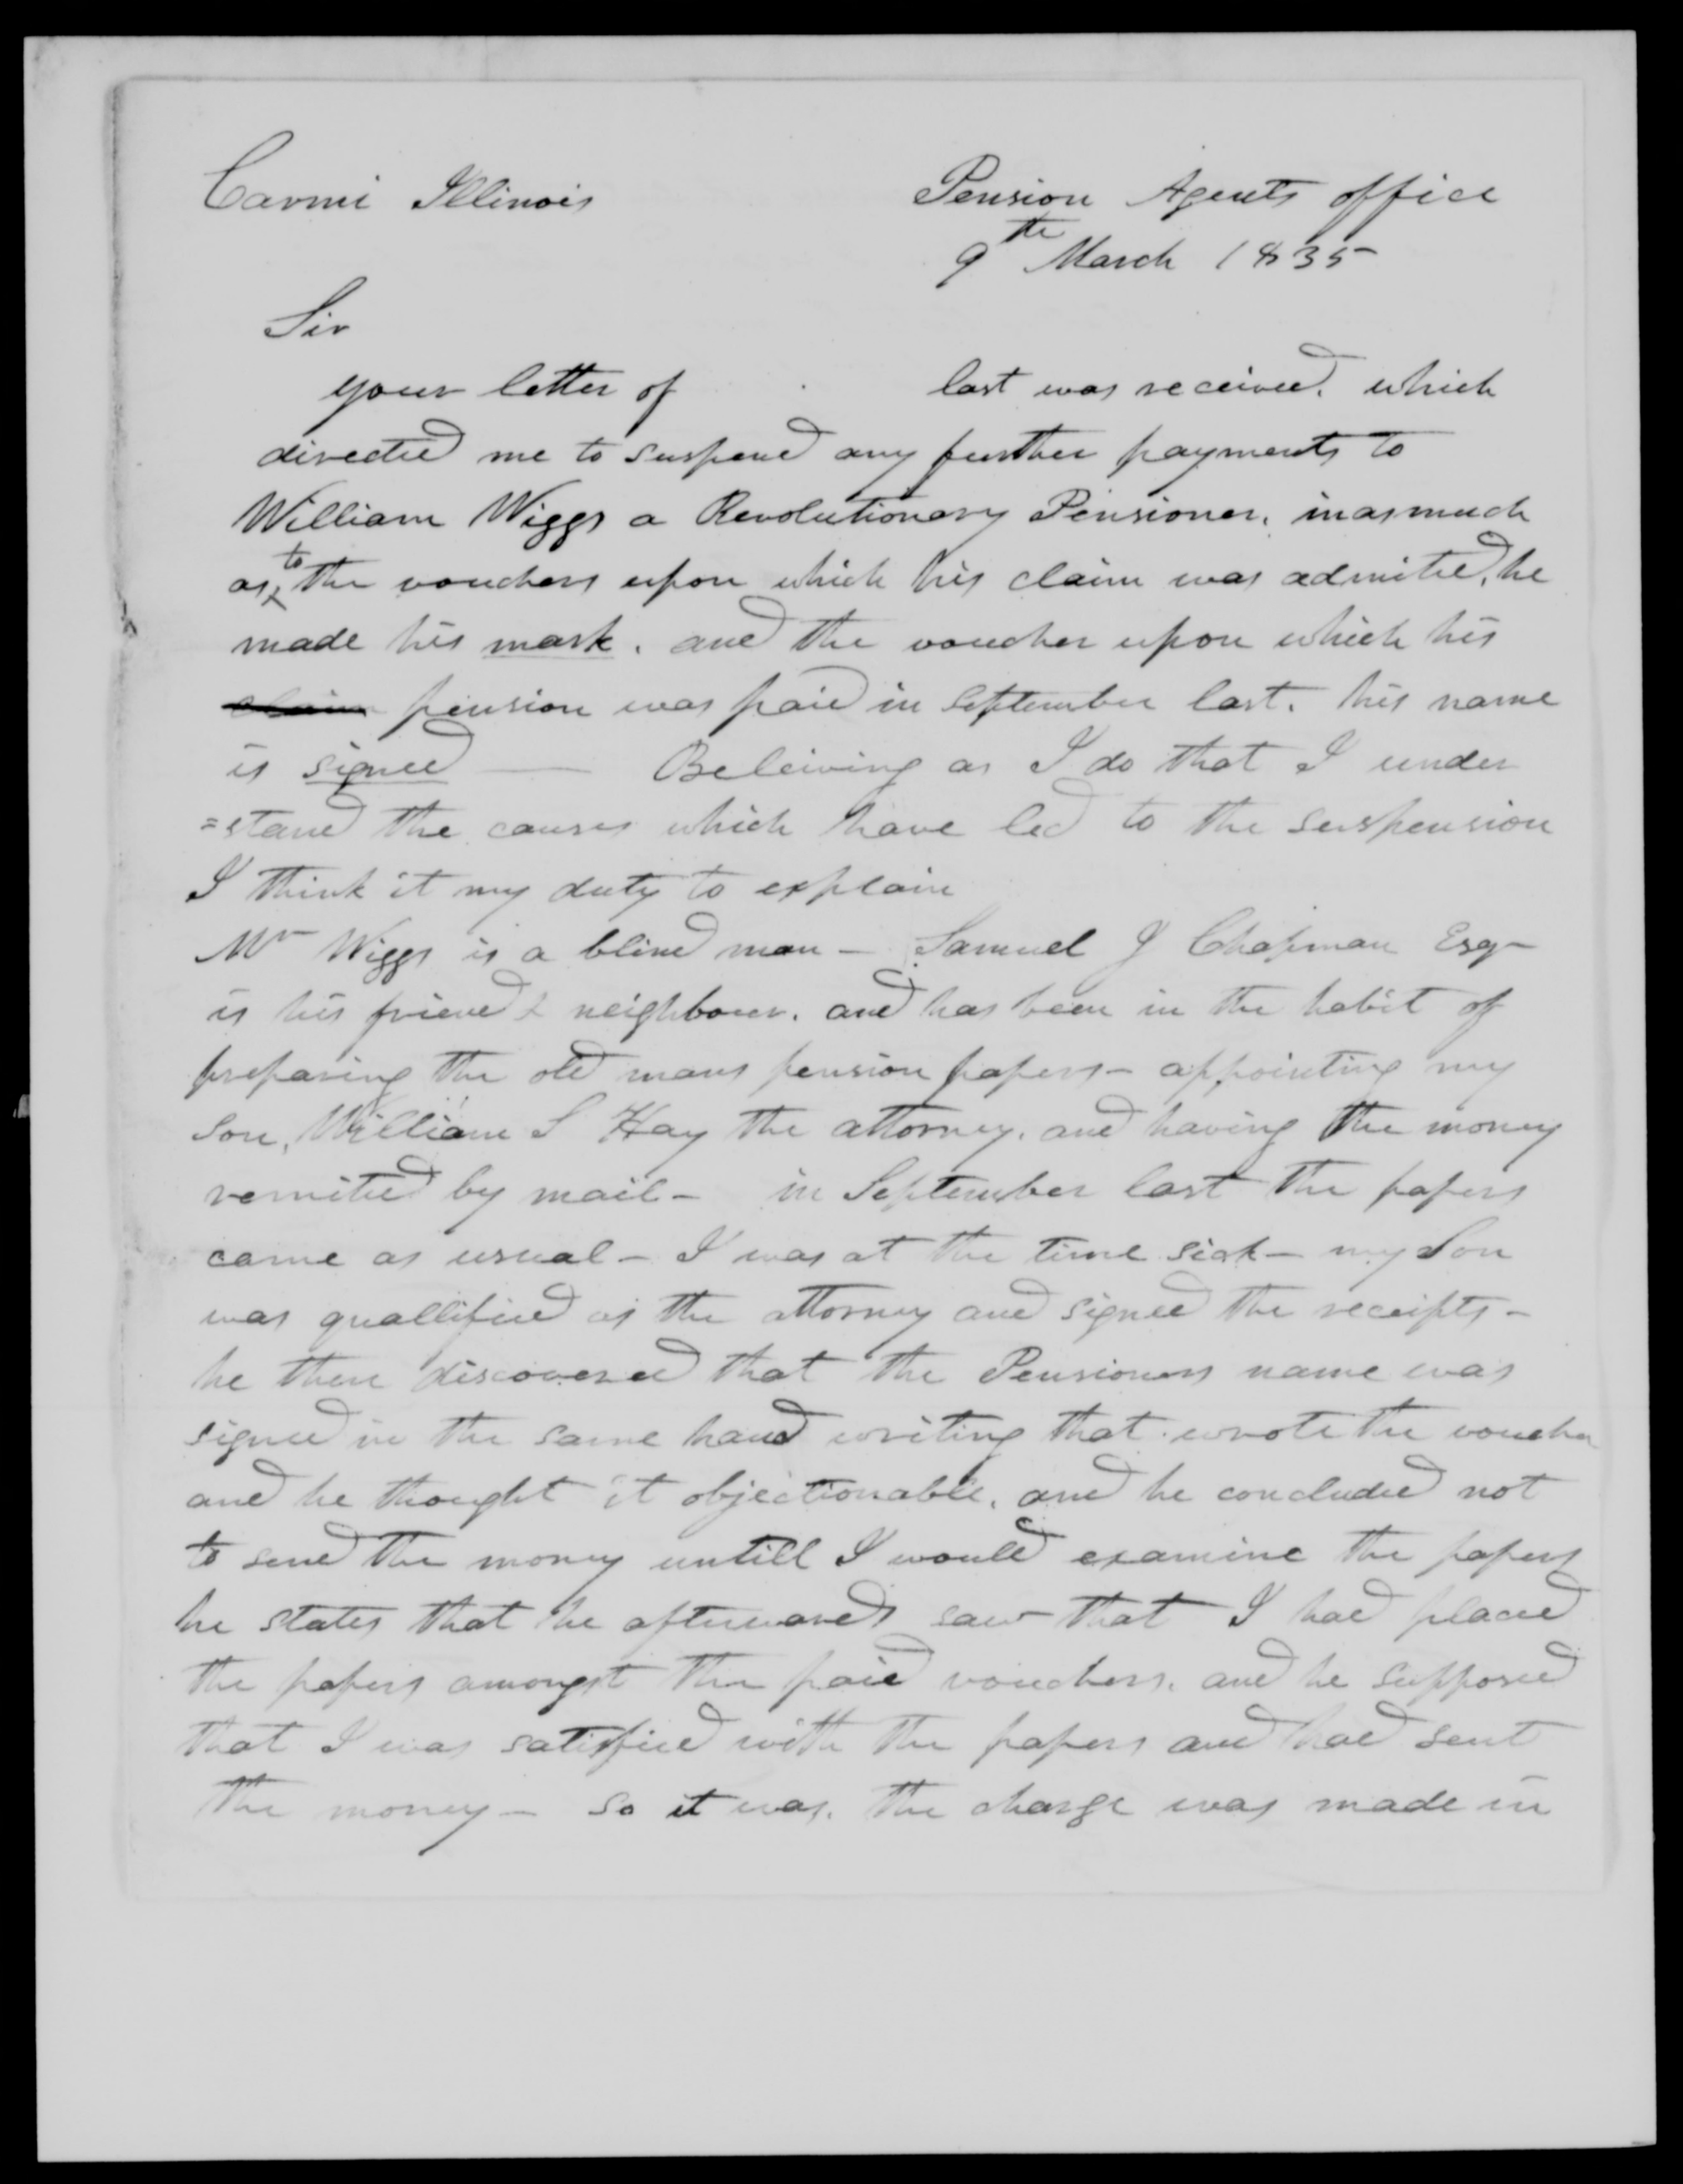Carmi Illinois  ……………………. Pension Agents office
………………………………………..9th March 1835

Sir
your letter of …………………..last was received, which directed me to suspend any further payments to
William Wiggs a Revolutionary Pensioner, inasmuch as to the vouchers upon which his claim was admited, he made his mark, and the voucher upon which his pension was paid in September last, his name is signed. ……………….Beleiving as do that I understand the causes which have led to the Suspension
I think it my duty to explain

Mr Wiggs is a blind man-- Samuel J Chapman Esq is his friend  & neighbour, and has been in the habit of
preparing the old mans pension papers-- appointing my Son, William L Hay the attorney, and having the money remitted by mail-- in September last, the papers came as usual-- I was at the time sick-- my Son
was quallified as the attorney and signed the receipts – he then discovered that the Pensioners name was signed in the same hand writing that wrote the voucher and he thought it objectionable, and he concluded not to send the money untill I would examine the papers. he states that he afterwards saw that I had placed the papers amongst the paid vouchers, and he supposed that I was satisfied with the papers and had sent the money- so it was the charge was made in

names: Samuel J Chapman, William Wiggs, William S Hay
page: 14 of 31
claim: survivor's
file: S. 32608, William Wiggs, N.C.